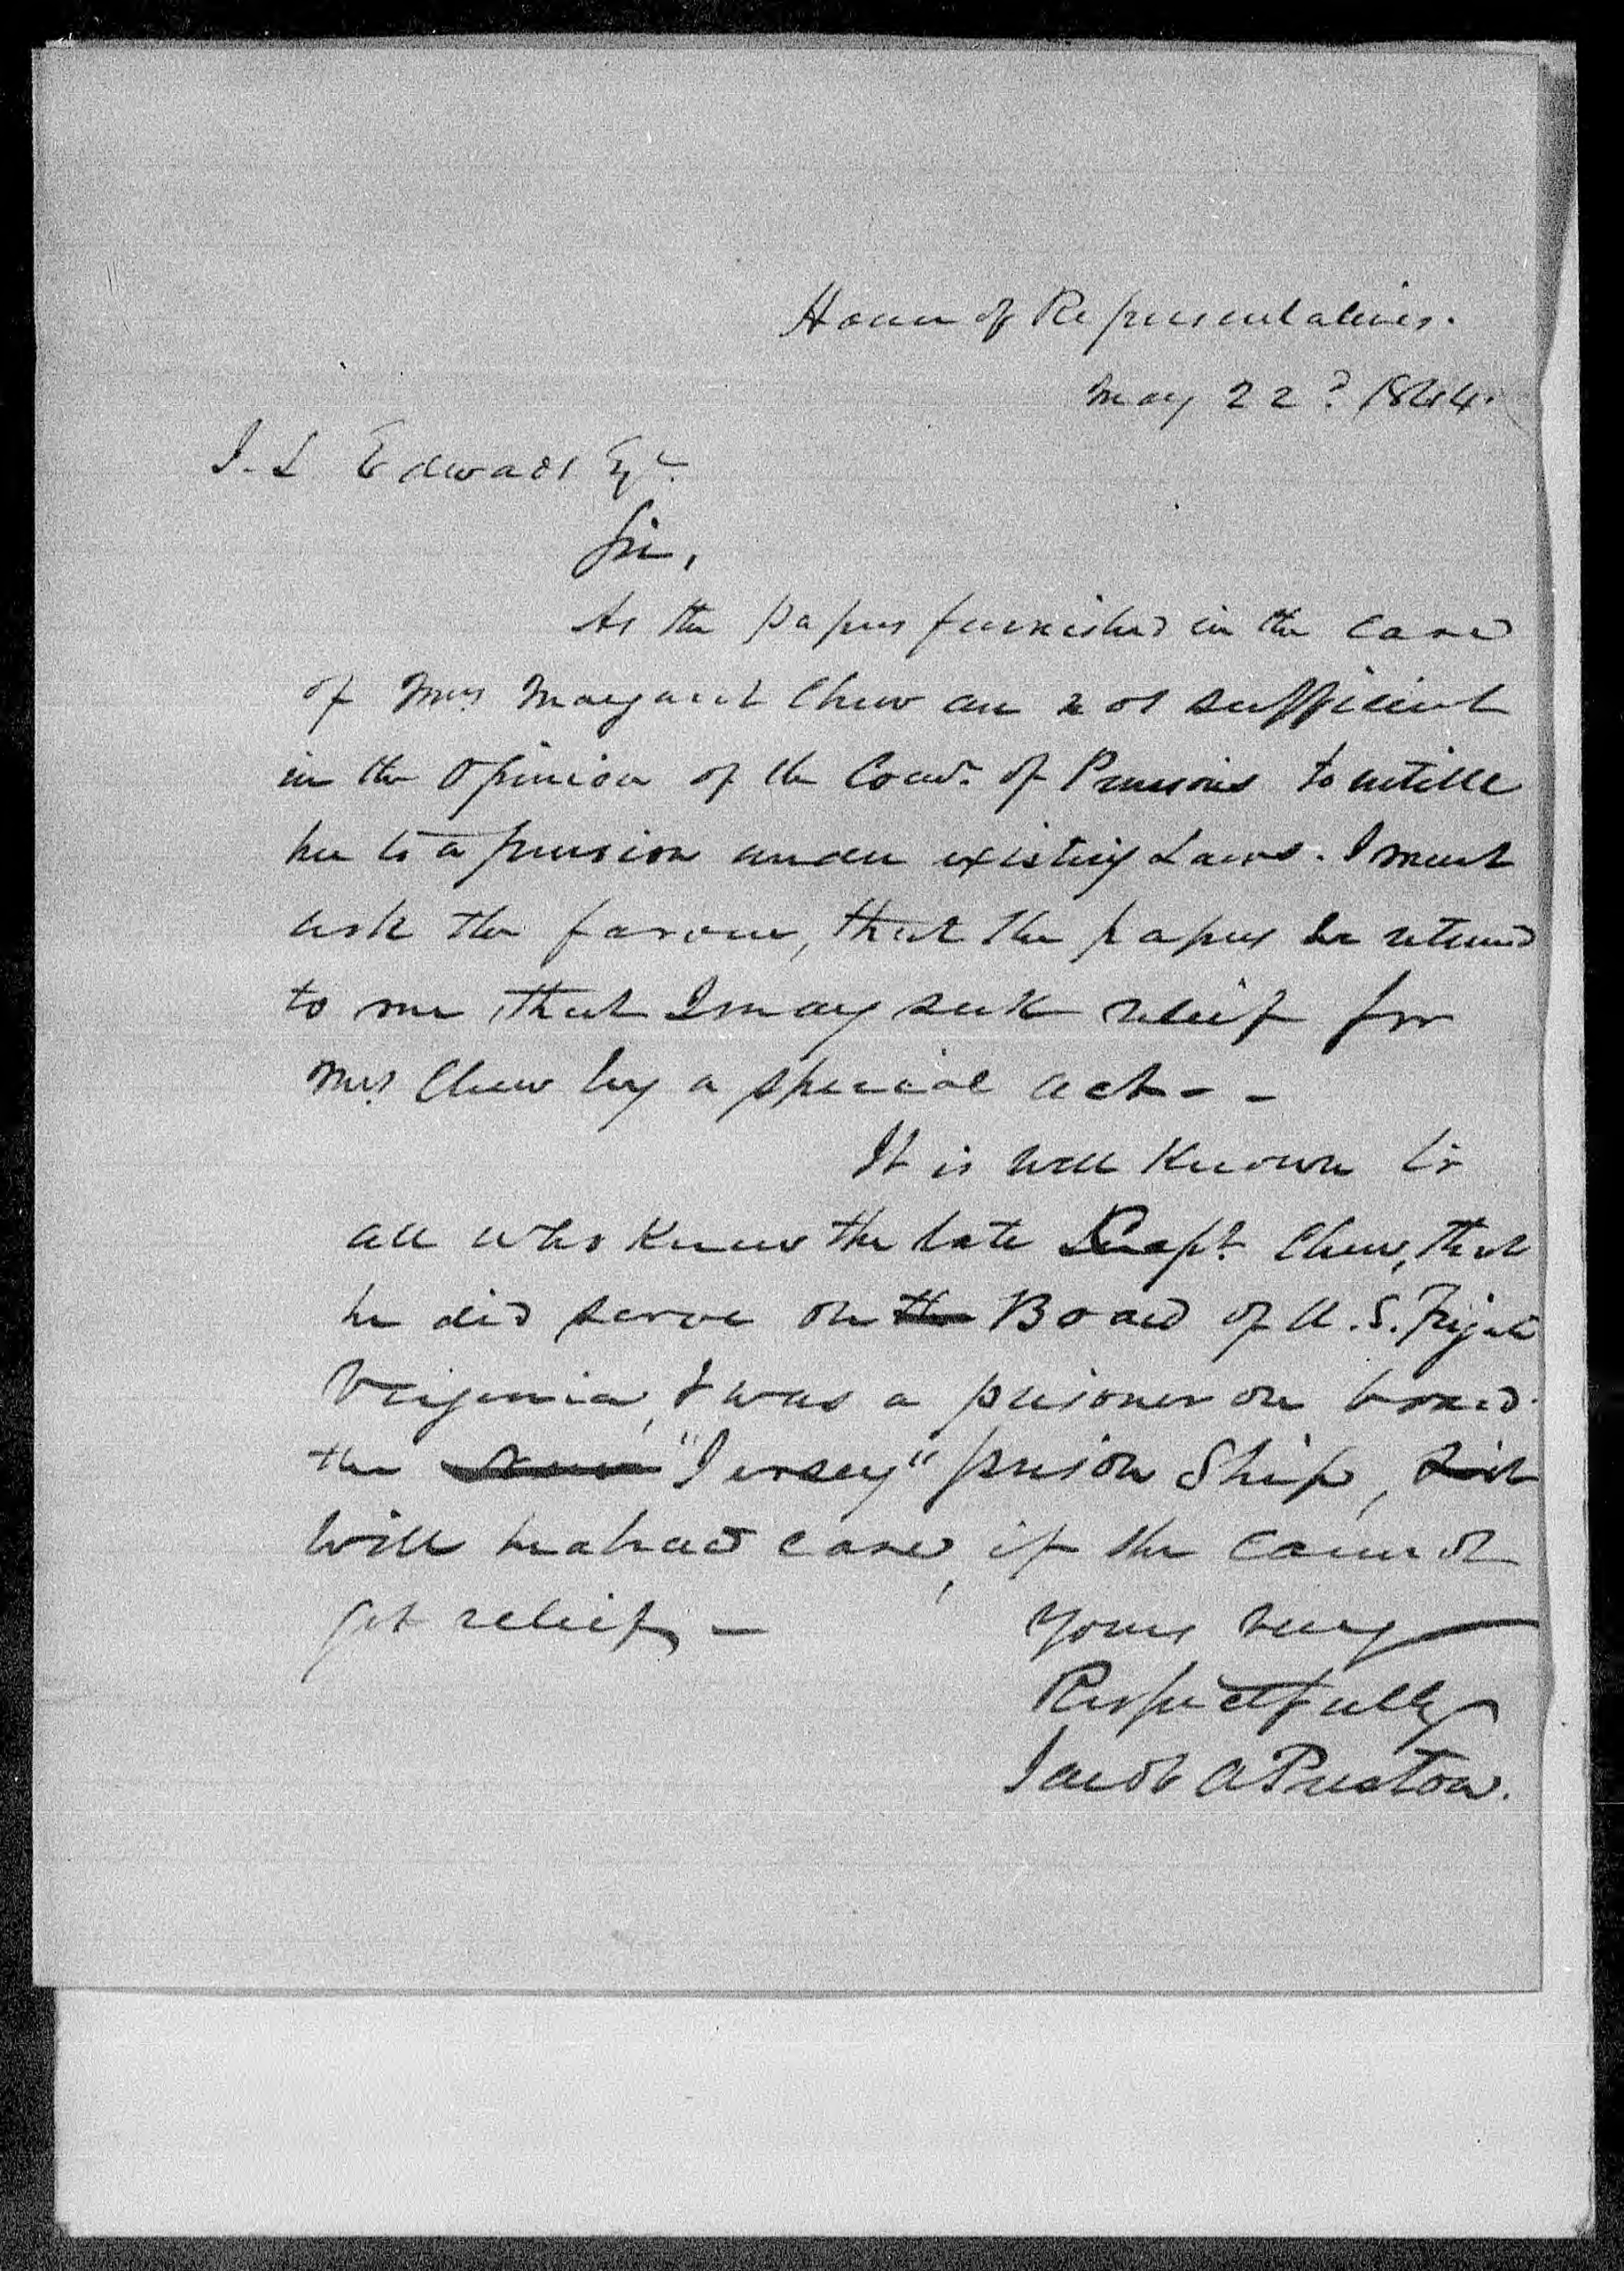House of Representatives.
May 22d 1844.

J. L. Edwards Esqr.

Sir,

As the papers furnished in the case
of Mrs. Margaret Chew are not sufficient
in the opinion of the Commr. of Pensions to entitle
her to a pension under existing Laws, I must
ask the favour, that the papers be returned
to me, that I may seek relief for
Mrs. Chew by a special act.

It is well known to
all who knew the late Capt. Chew, that
he did serve on [the-struck out] Board of U.S. Frigate
Virginia & was a prisoner on board
the [word struck out] "Jersey" prison ship, & it
will be a bad case, if she cannot
get relief.

Yours very
Respectfully
Jacob A Preston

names: Chew, Chew, J L Edwards, Jacob A Preston, Margaret Chew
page: 53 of 59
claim: widow's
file: W. 9383, Nathaniel Chew, Navy (Md.)